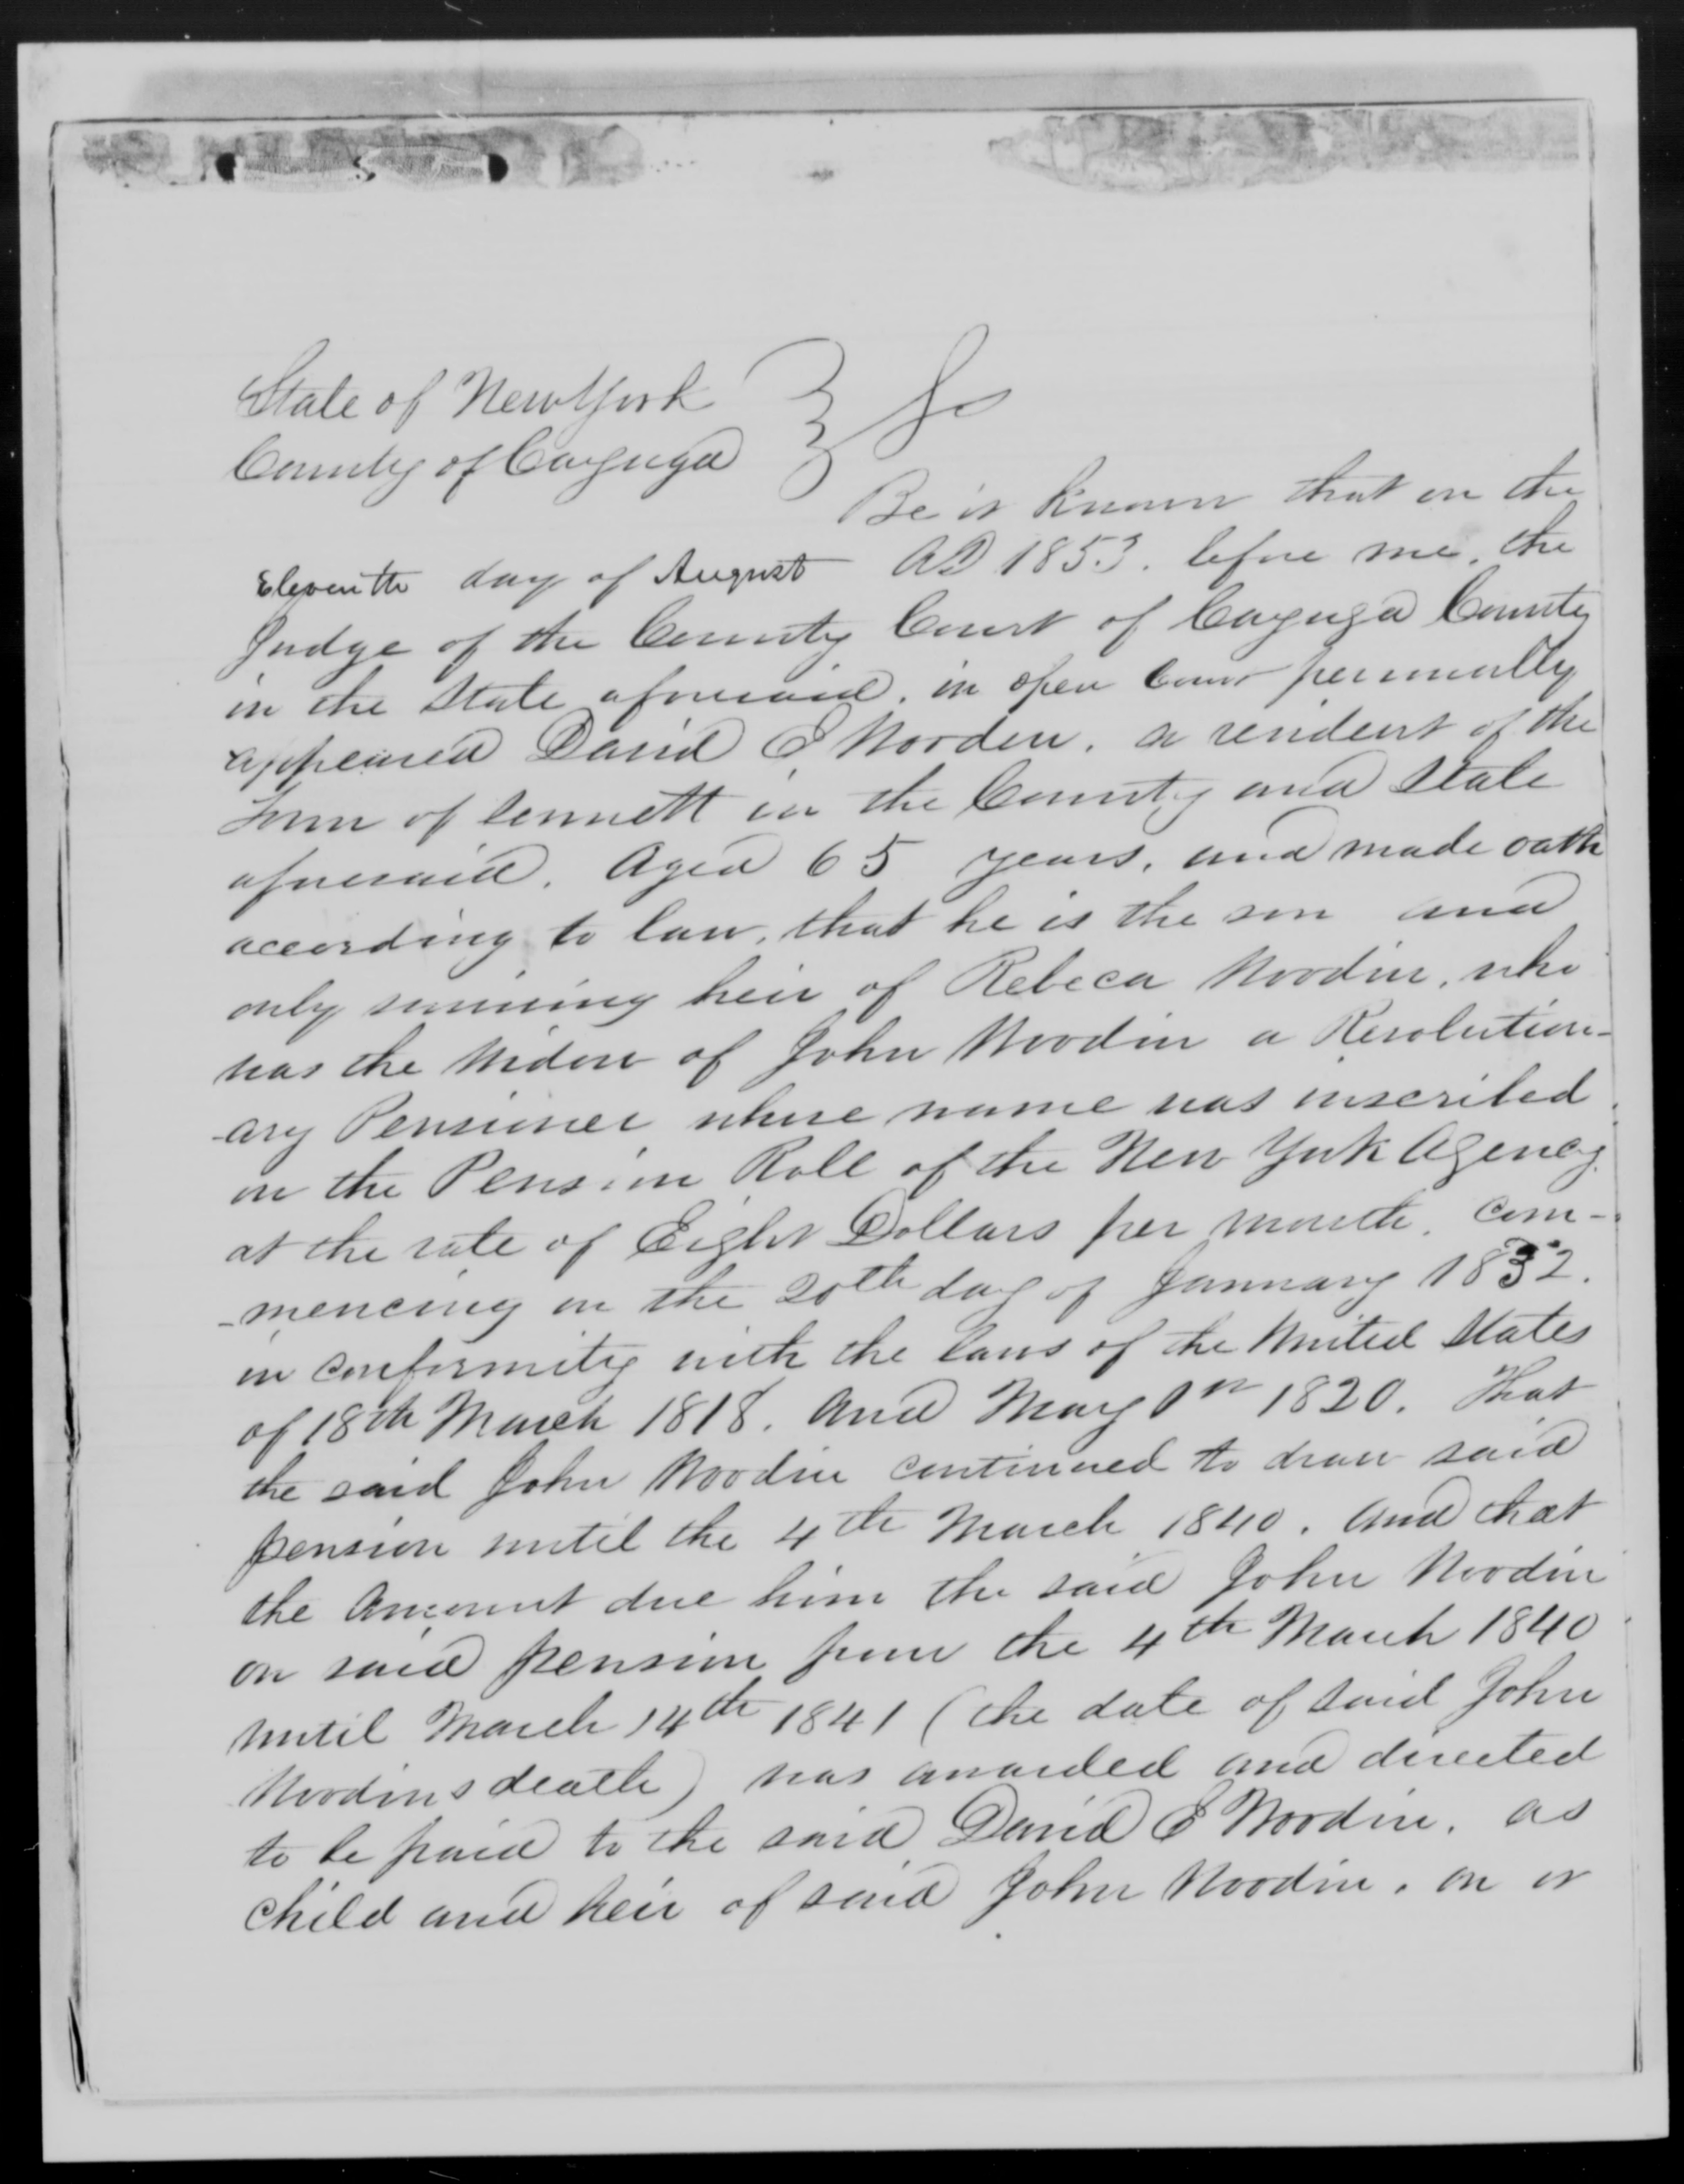State of New York
County of Cayuga
Be it known that on the
Eleventh day of August AD 1853 before me, the Judge of the County Court of Cayuga County in the State aforesaid in open Court personally appeared David E Woodin, a resident of the Town of Sennett in the County and State aforesaid. Aged 65 years, and made oath according to law, that he is the son and
only remaining heir of Rebeca Woodin who
was the widow of John Woodin a Revolutionary Pensioner, where name was inscribed in the Pension Roll of the New York Agency at the rate of Eight Dollars per month commencing on the 20th day of January 1832.
in conformity with the laws of the United States of 18th March 1818, and May 9th 1820. That the said John Woodin continued to draw said pension until the 4th March 1840. and that the amount due him the said John Woodin on said pension from the 4th March 1840 until March 14th 1841 (the date of said John Woodin's death) was awarded and directed to be paid to the said David J Woodin, as child and heir of said John Woodin, on or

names: Rebeca Woodin, John Woodin, David E Wooden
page: 5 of 77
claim: widow's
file: W. 19658, John Woodin, New York